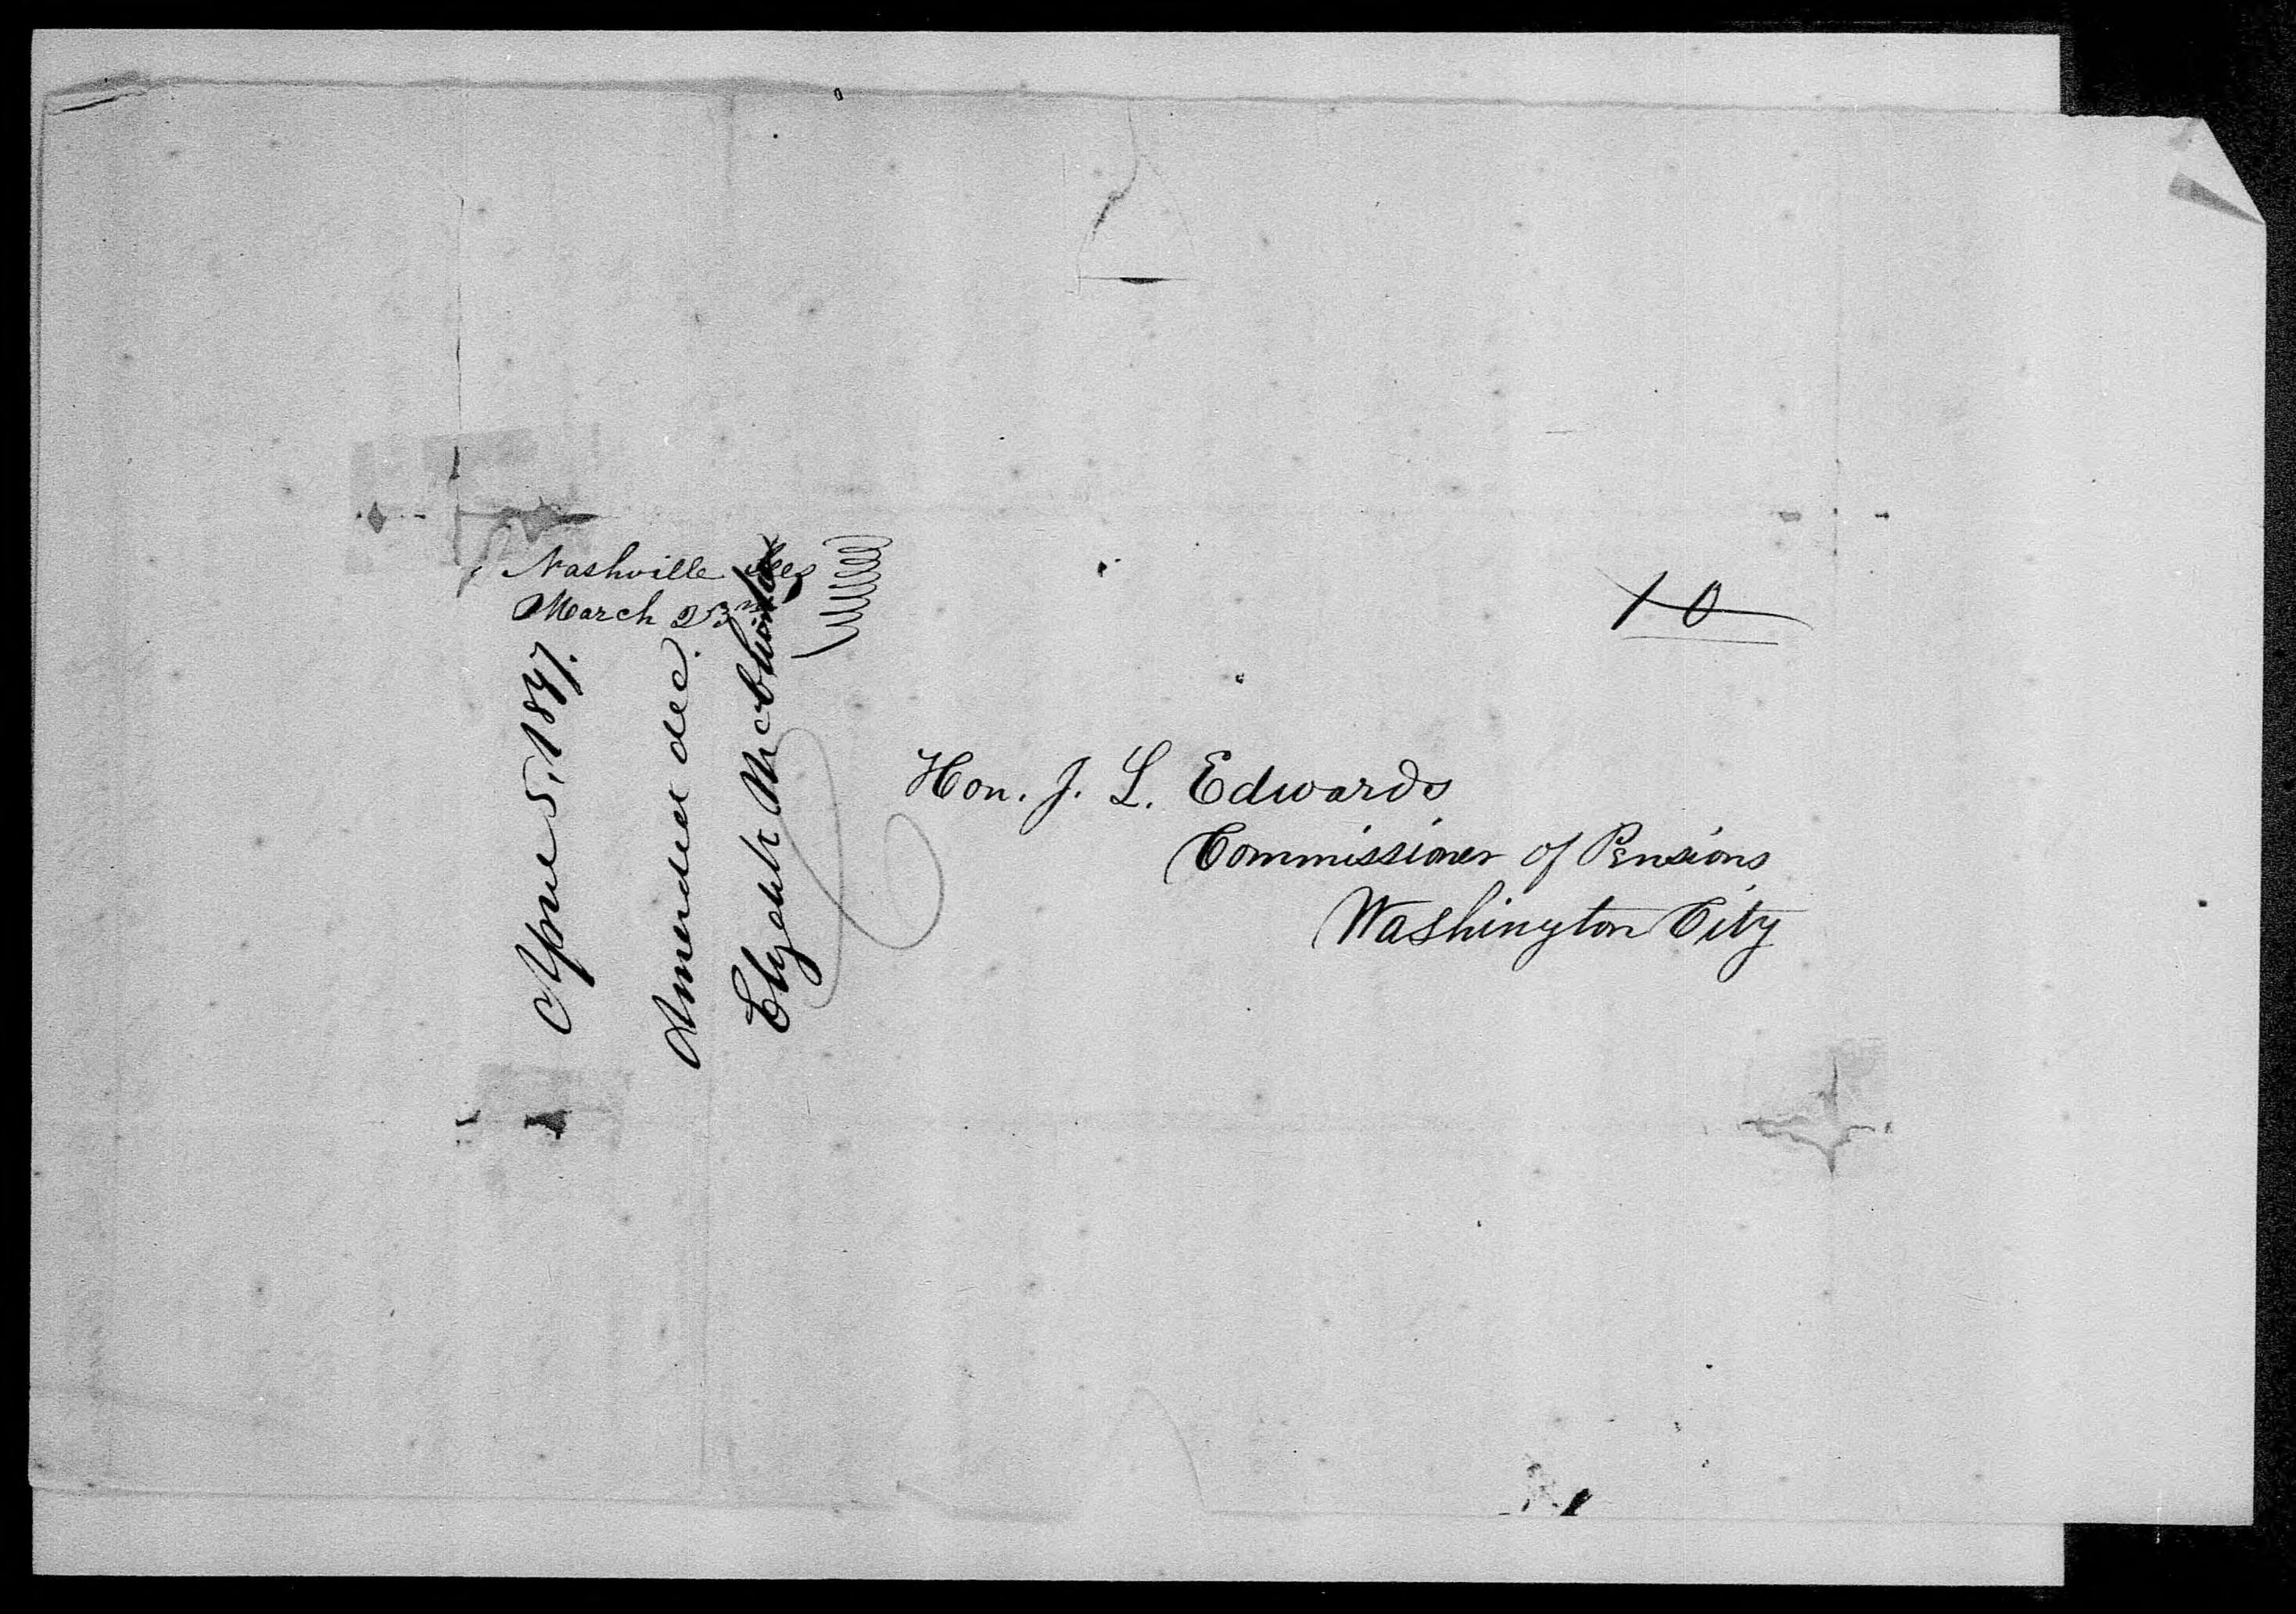April 5, 1847
Amended dec.
Elizabeth McClurken

Nashville Ill}
March 23rd} XO

Hon. J.L. Edwards
Commissioner of Pensions
Washington City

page: 57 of 93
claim: widow's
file: W. 21792, for Thomas Mc Clurken, South Carolina